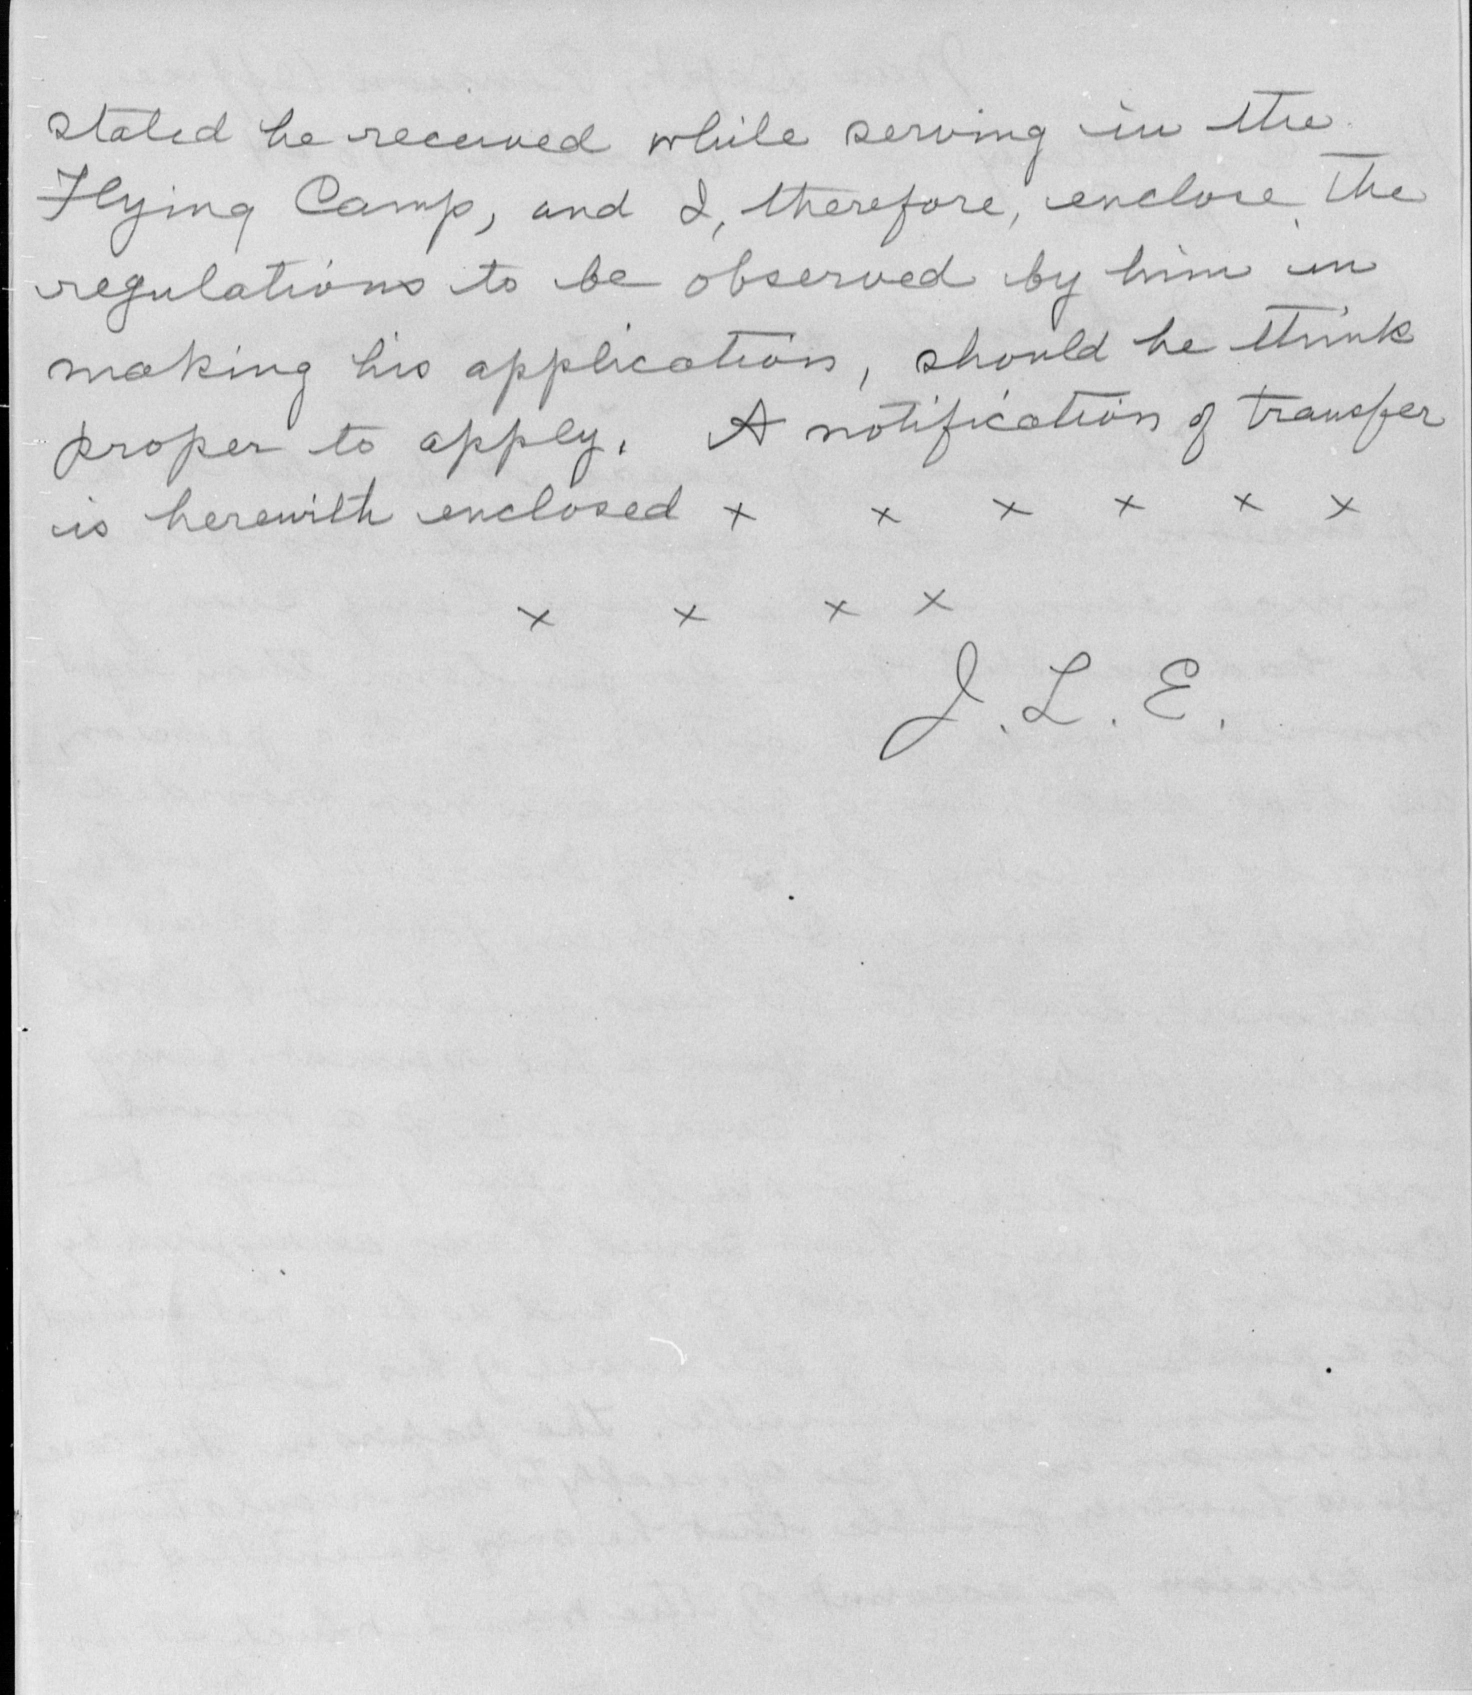stated he received while serving in the Flying Camp and I therefore enclose the regulations to be observed by him in making his application, should he think proper to apply. A notification of transfer is herewith enclosed.

J.L.E.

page: 13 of 15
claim: rejected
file: R. 22, Isaac Ackright, Md.